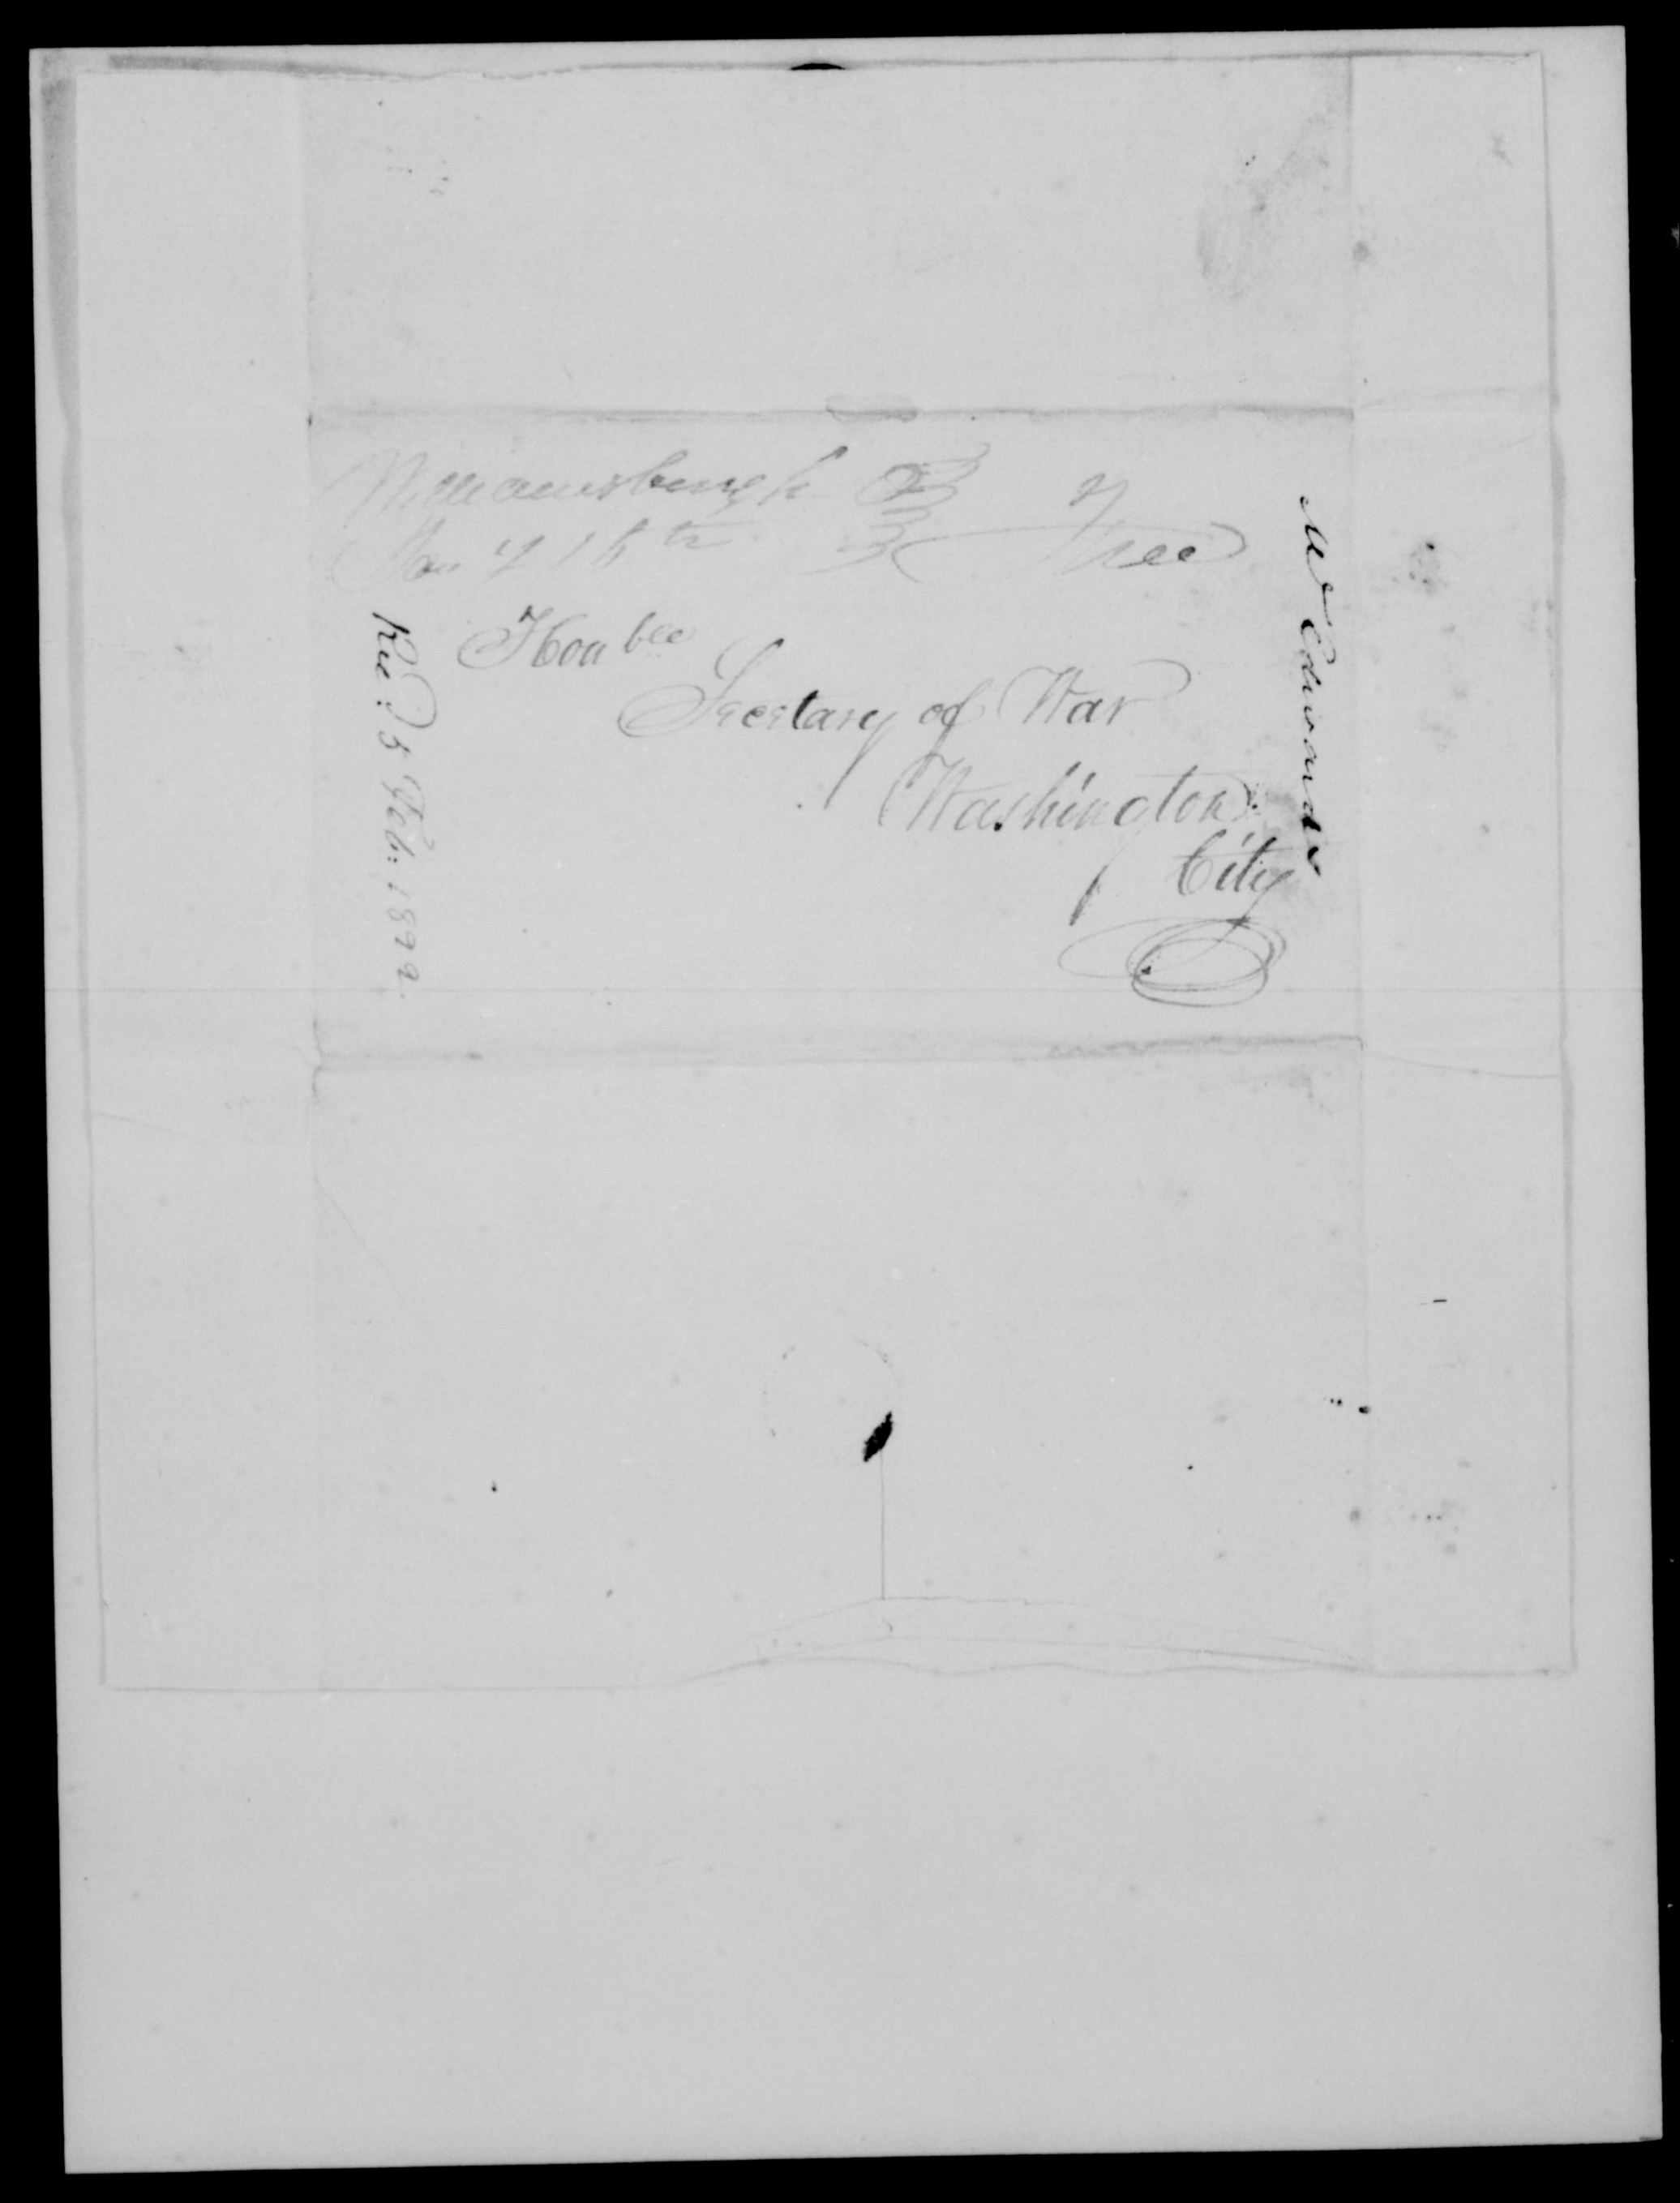Williamsburgh Jany 16th } Free 
Honble Secretary of War Washington City 
Mr Edwards 
Recd. 5 Feb. 1899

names: [BLANK] Edwards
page: 40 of 66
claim: survivor's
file: S 40458, for Obadiah Smith, New York